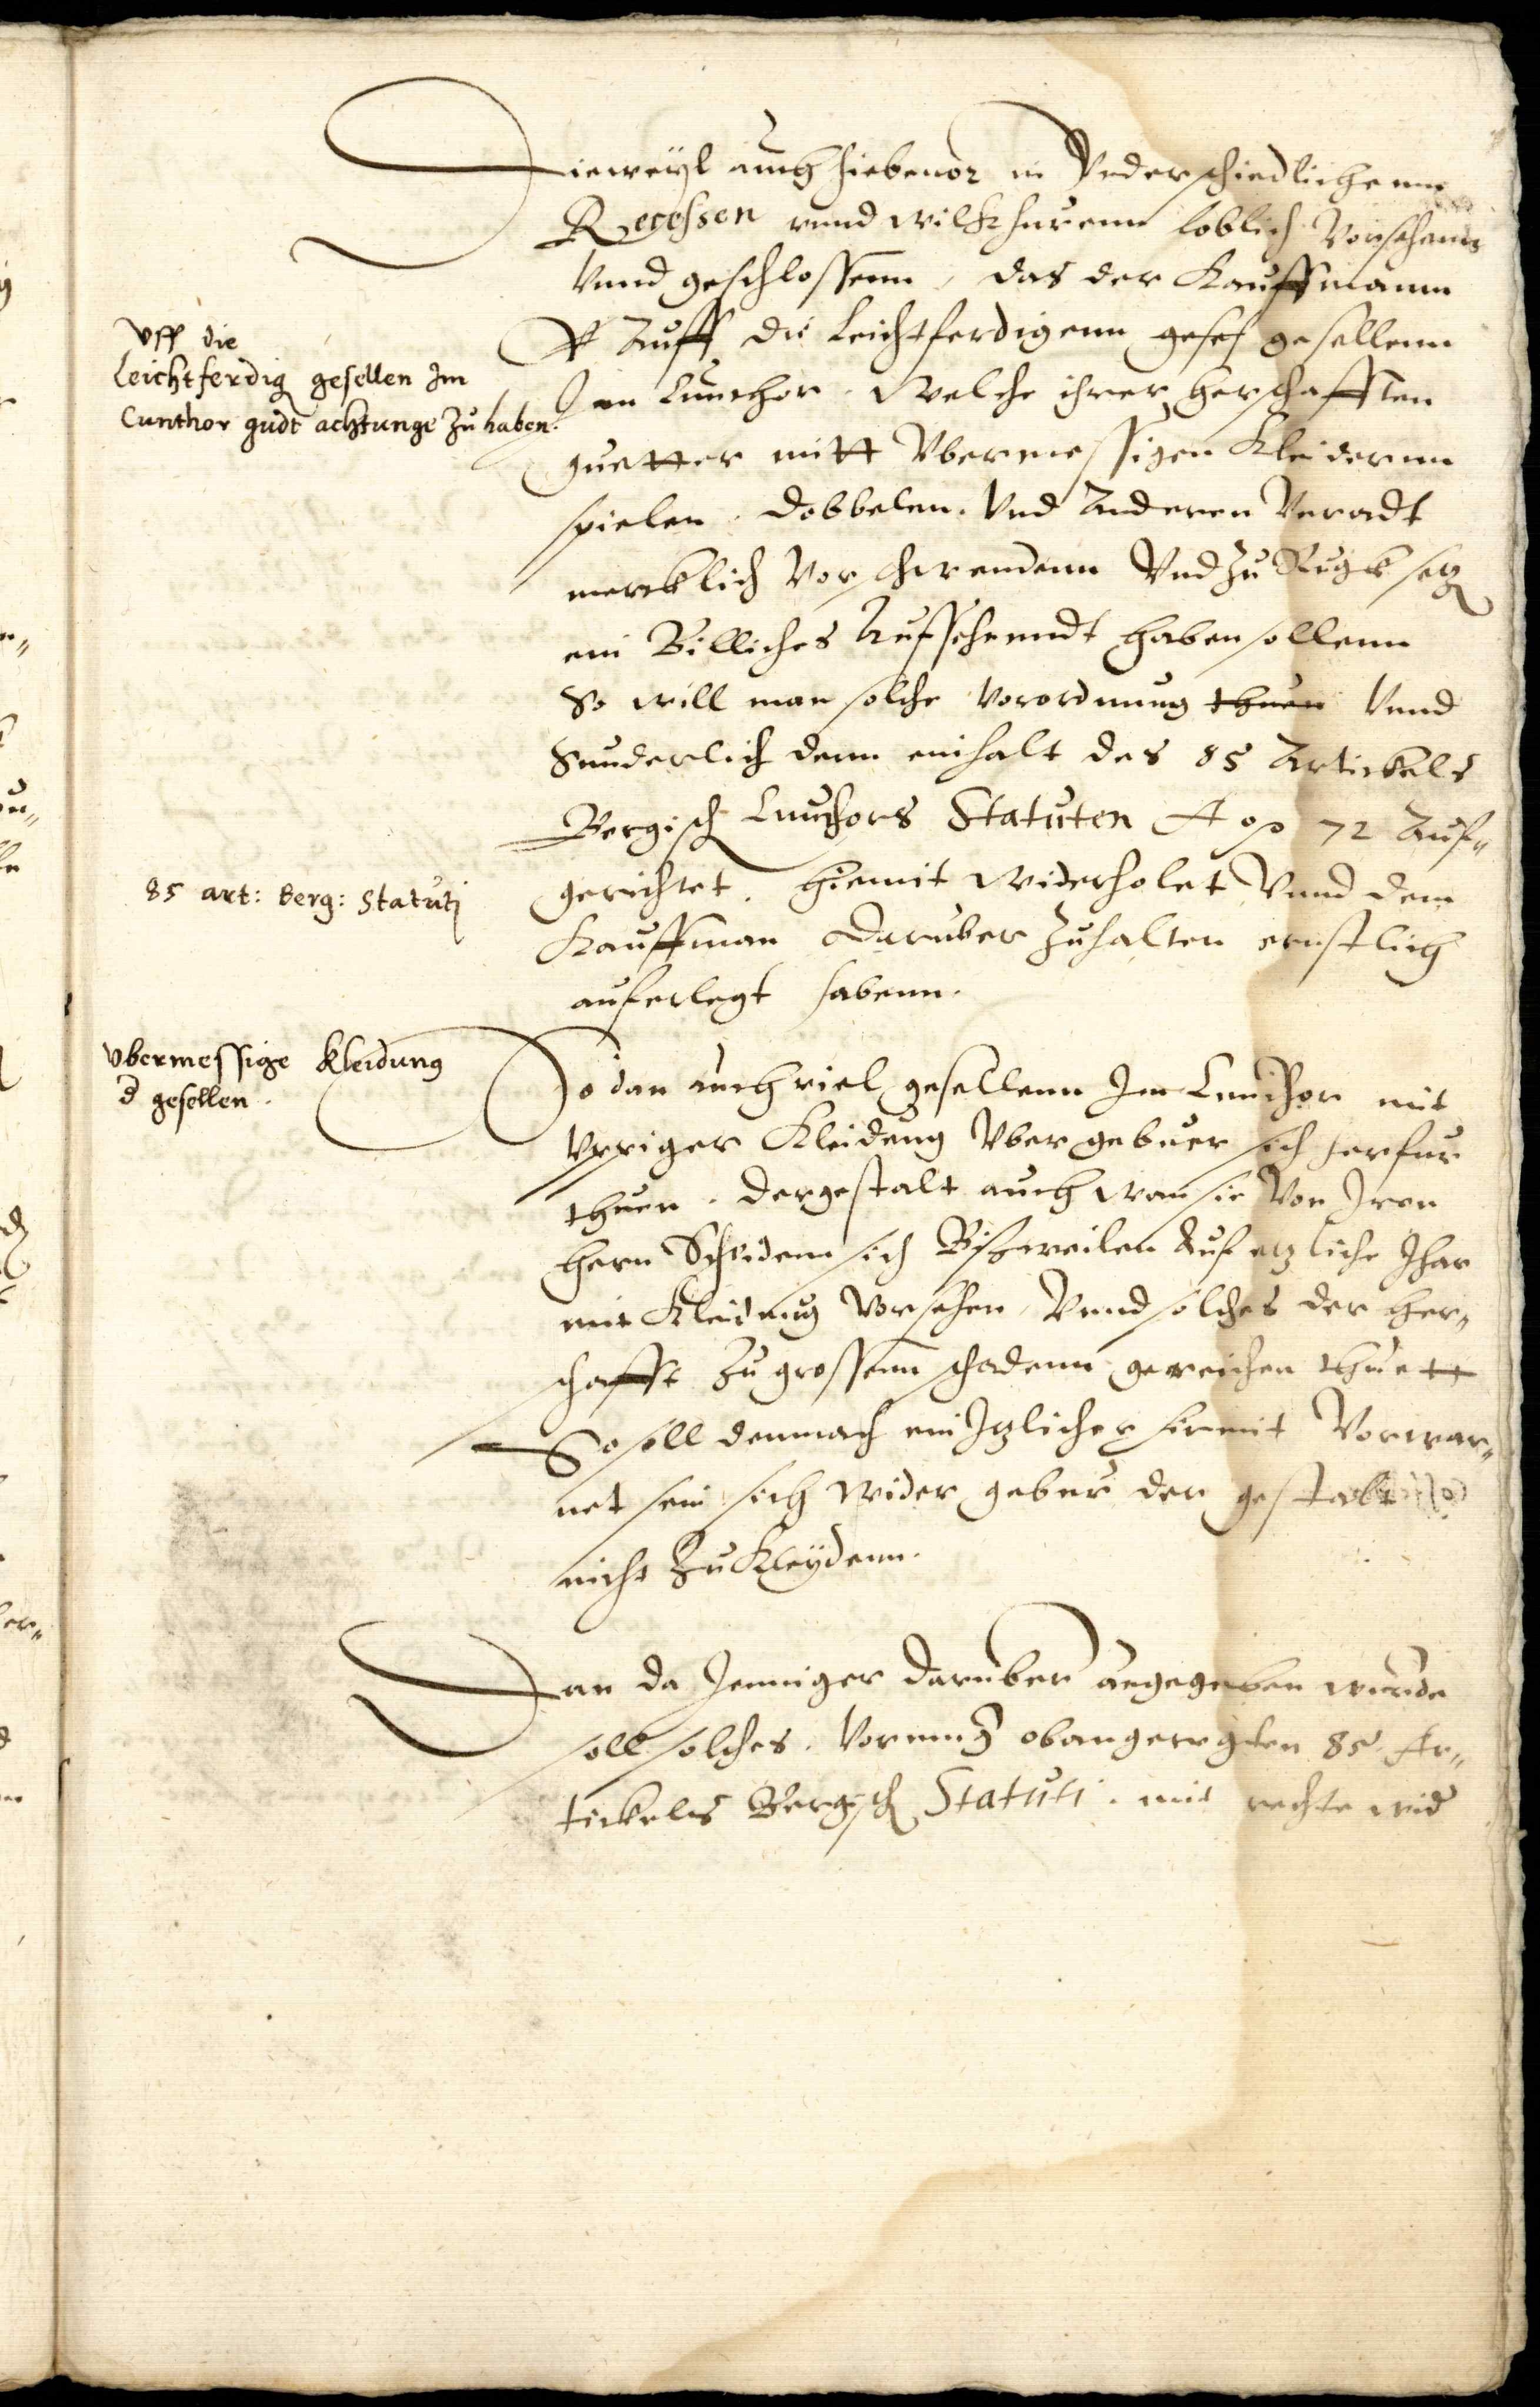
Vff die
Leichferdigen gesellen Im
Cunthor gudt achtunge zu haben.
85 art: Berg: statuten
Dieweijl auch hiebeuor in Vnderschiedlichenn
Recessen vnnd wilkhurenn loblich Vorsehenn
Vnnd geschlossenn, das der Kauffmann
V Auff die Leichtferdigenn geses gesellenn
Im Cunthor Welche ihrer Herschafften
guetter mitt Vbermessigen Kleidernn
spielen, dobbelen, Vnd Anderen Vnradt
mercklich Vorschwendenn Vnd zu Rugksetzen
ein Billiches Auffsehendt Haben sollenn
So will man solche Vorordnung thuen Vnnd
Sunderlich denn einhalt des 85 Artickels
Bergischen Cunthors Statuten Ao p 72 Auf¬
gerichtet, hiemit widerholet Vnnd dem
Kauffman Daruber zuhalten ernstlich
auferlegt habenn.
vbermessige kleidung
der gesellen
So dan auch viel gesellenn Im Cunthor mit
Vppiger Kleidung Vber gebuer sich herfur¬
thuen, dergestalt auch wan sie Von Iren
Hern Scheidenn sich Bißweilen Auf etzliche Jhar
mit Kleidung Vorsehen, Vnnd solches der Her¬
schafft zu grossenn schadenn gereichen thuett
So soll demnach ein Itzlicher hirmit Vorwar¬
net sein sich wider gebur der gestalt so
nicht zu Kleijdenn.
Dan da Jenniger daruber Angegeben wurde
soll solches, Vormug obangeregten 85. Ar¬
tickels Bergischen Statuti mit nichte wider
